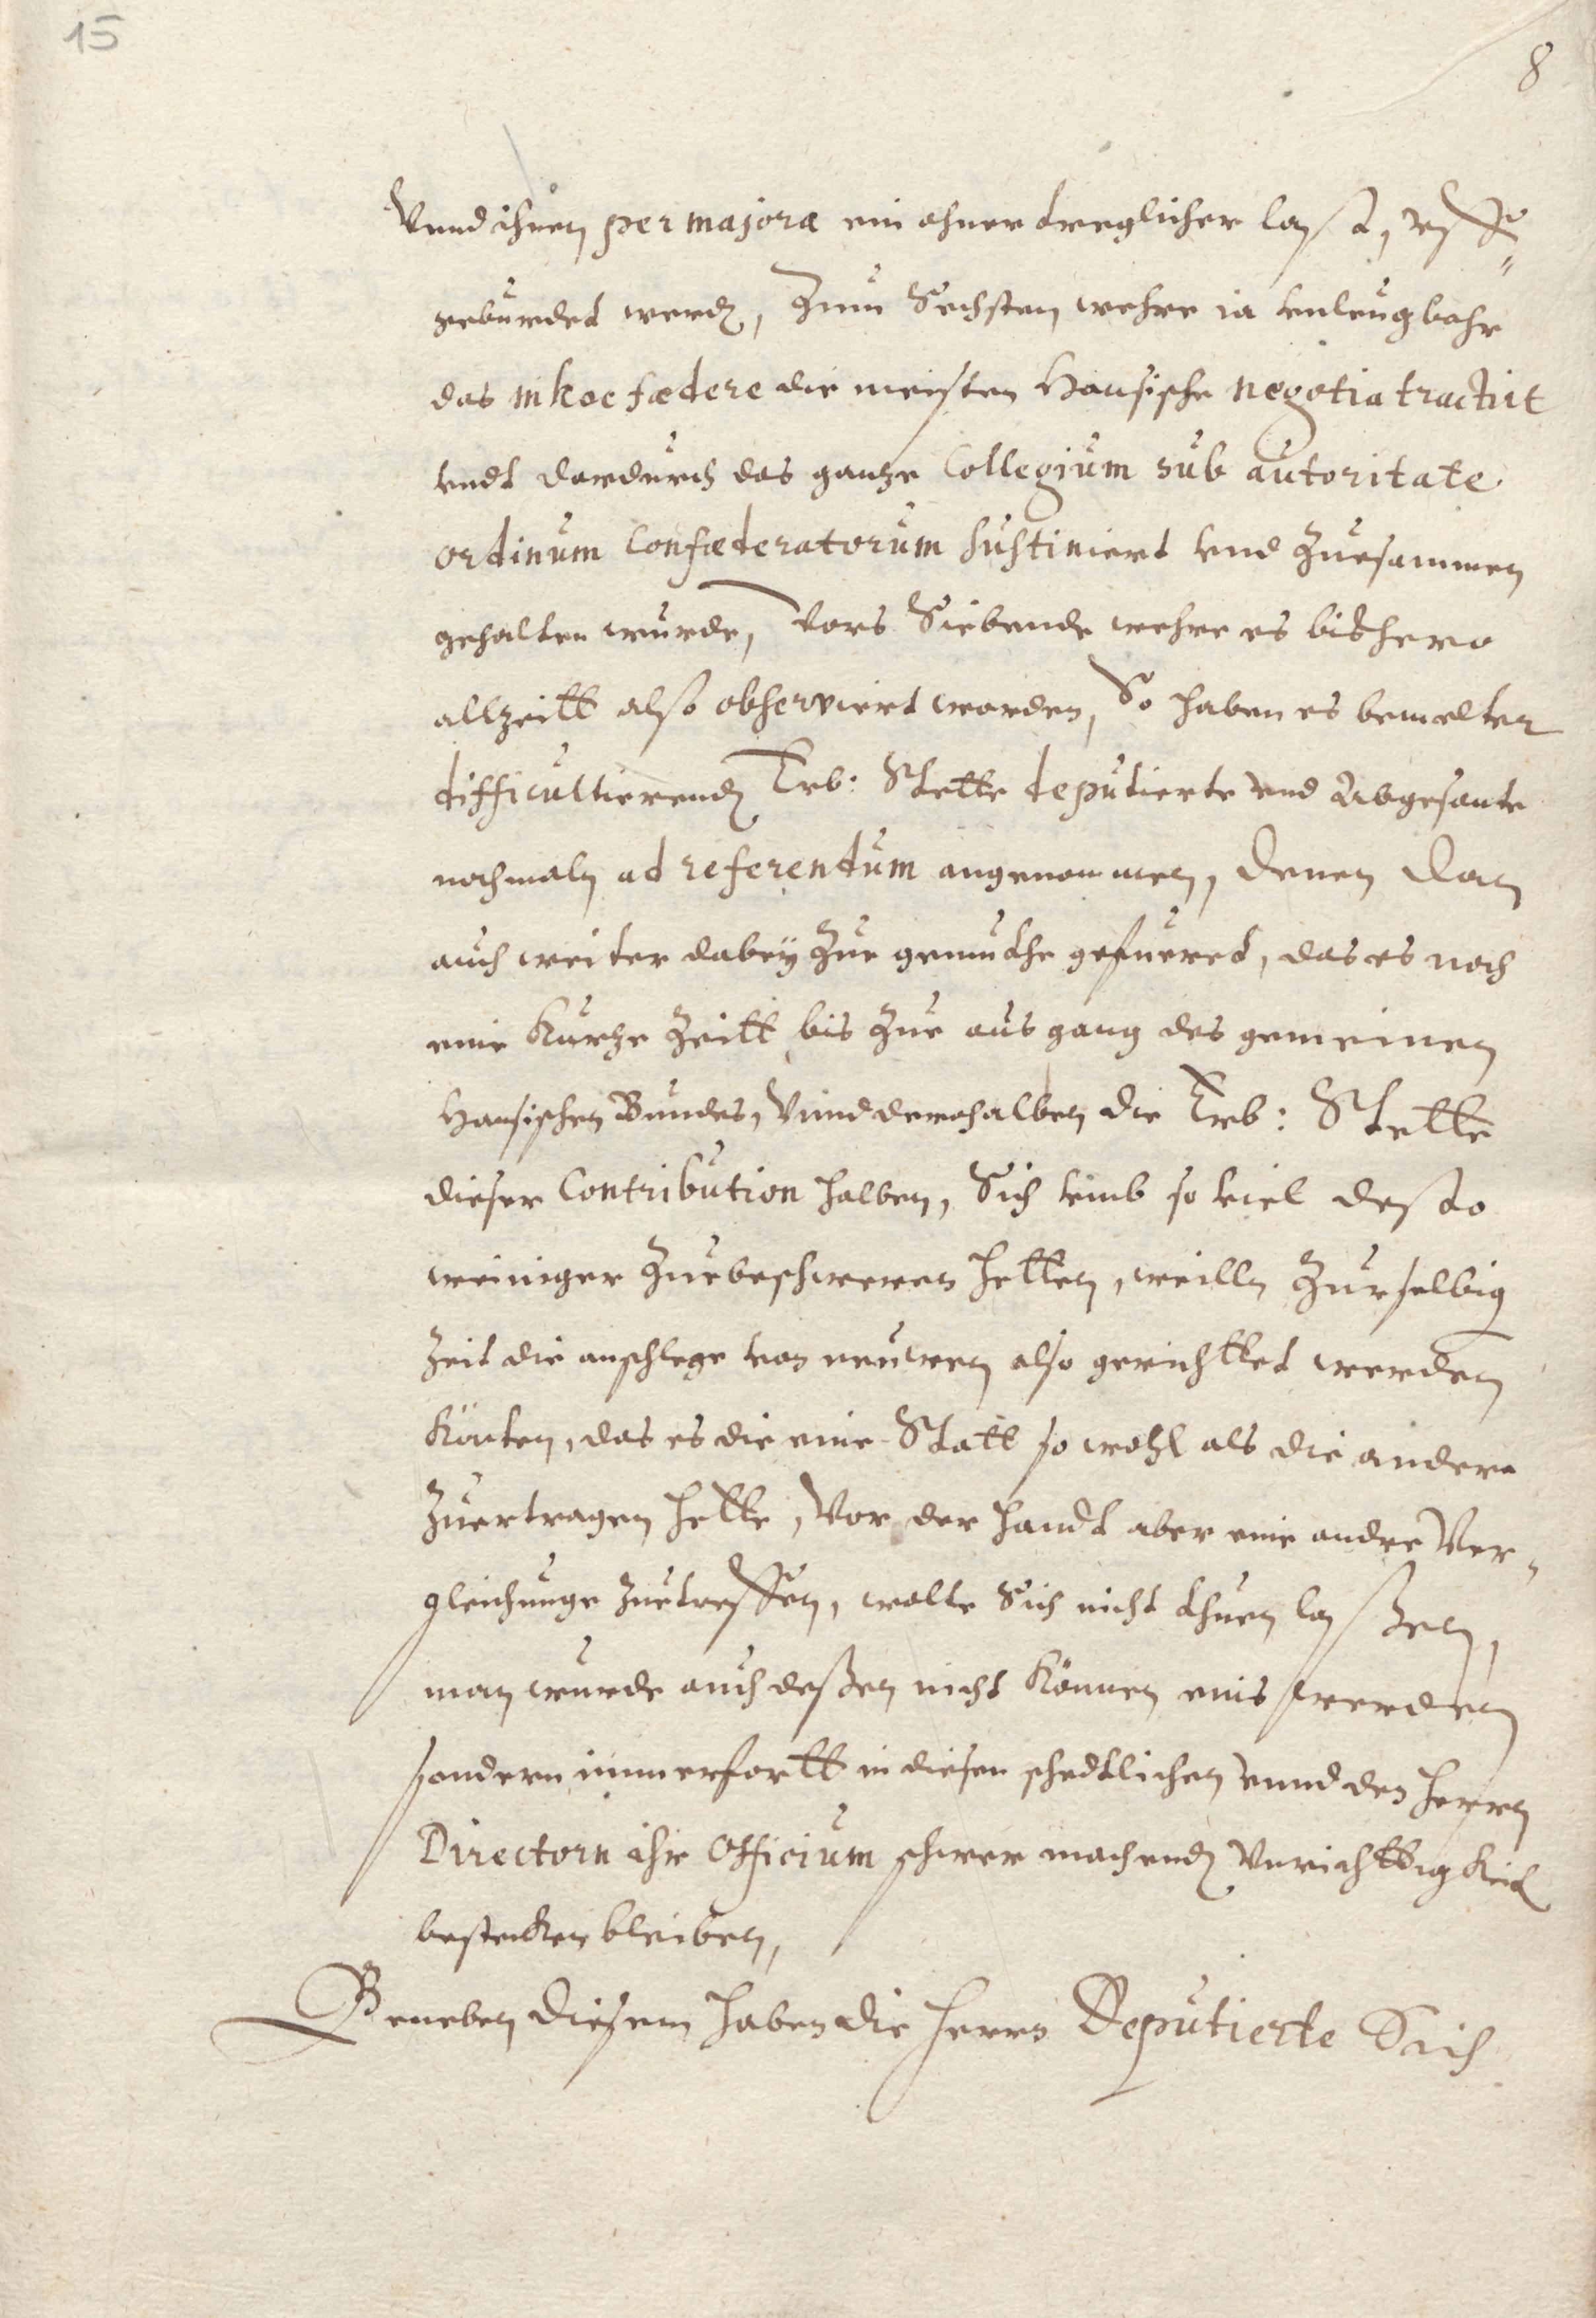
8
Vnnd ihnen per majora ein ohnertreglicher last, vff¬
geburdet werden, zum Sechsten wehre ia vnleugbahr
das in hoc foedere die meisten Hansische negotia tractirt
vndt dardurch das gantze Collegium sub autoritate
ordinum Confoederatorum sustiniert vnd zuesammen
gehalten wurde, Vors Siebende wehre es bishero
allzeitt also observiert worden, So haben es bemelten
difficultierenden Erb: Stette deputierte vnd Abgesante
nochmaln ad referendum angenommen, denen dan
auch weiter dabeij zue gemuthe gefueret, das es noch
eine kurtze zeitt, bis zue ausgang des gemeinen
Hansischen Bundes, Vnnd derohalben die Erb: Stette
dieser Contribution halben, Sich vmb so viel desto
weniger zue beschweren hetten, weilln zur selbigen
zeit die anschlege von neuwen also gerichttet werden
könten, das es die eine Statt so wohl als die ander
zuertragen hette, vor der handt aber eine ander Ver¬
gleichunge zuetreffen, wolte sich nicht thuen laßen,
man wurde auch deßen nicht können eins werden
sondern immerfortt in diesen schedtlichen vnnd den herrn
Directorn ihr Officium schwer machenden Vnrichttigkeit
bestecken bleiben,
Beneben diesem haben die herrn Deputierte Sich
